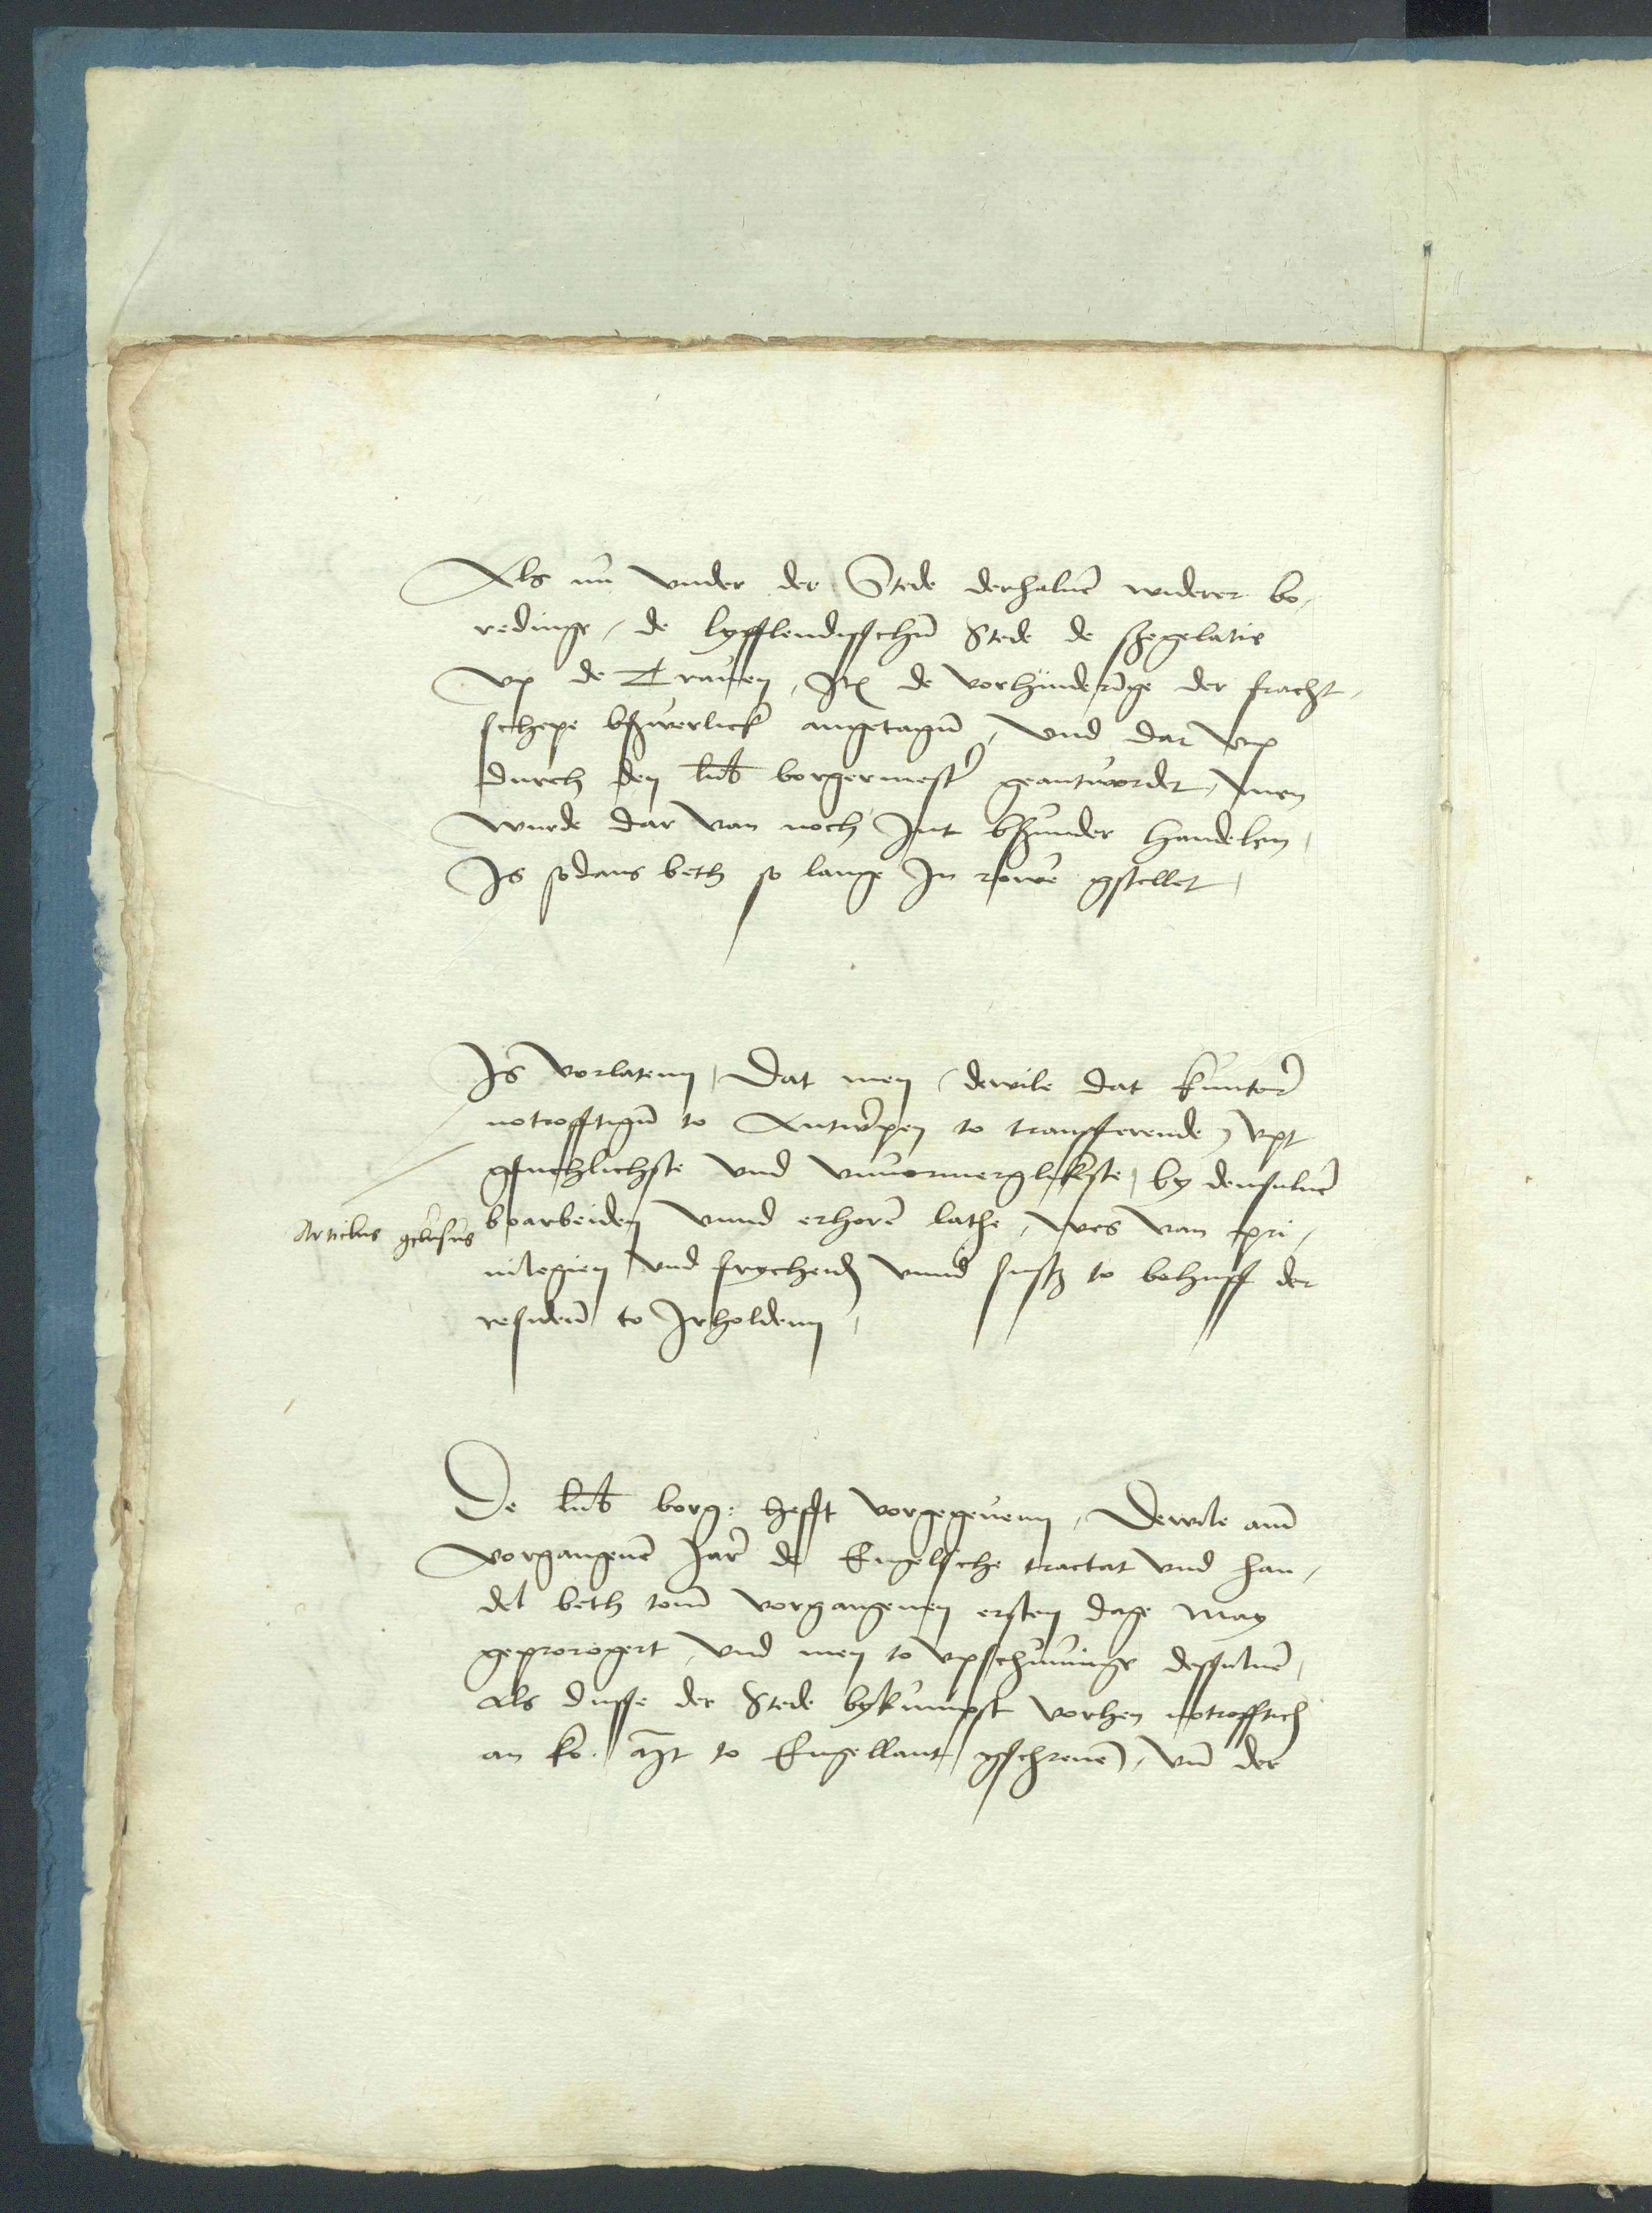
Als nu vnder der Stede derhaluen wider bo¬
redinge, de lyfflendisschen Stede de ßegelatie
vp de Trawen, Jtem de vorhinderinge der fracht¬
schepe bschwerlick angetagen, vnd dar vp
durch den lubeckischen borgermester geantwordet, men
wurde dar van noch Jnt bßunder handelen,
Js sodans beth so lange Jn rowe gstellet,
Js vorlatenn, dat men (dewile dat kuntor
notrofftigen to Antwerpen to transfererende) vpt
gfuchlichste vnd vnuormerglikste, by densuluen
boarbeiden vnnd erhoren lathe, wes van pri¬
uilegien vnd frycheiden vnnd sustz to bohuff der
residentie to Jrholdenn,
Articlus gelusus
De lubeckische borg: hefft vorgegeuen, Dewile am
vorgangenen Jar de Engelsche tractat vnd han¬
del beth tom vorgangenen ersten dage May
geprorogert, vnd men to vpschuuinge dessuluen
Als dusse der Stede bykumpst vorhin notrofflich
an ko. Mt to Engellant geschreuen, vnd der
